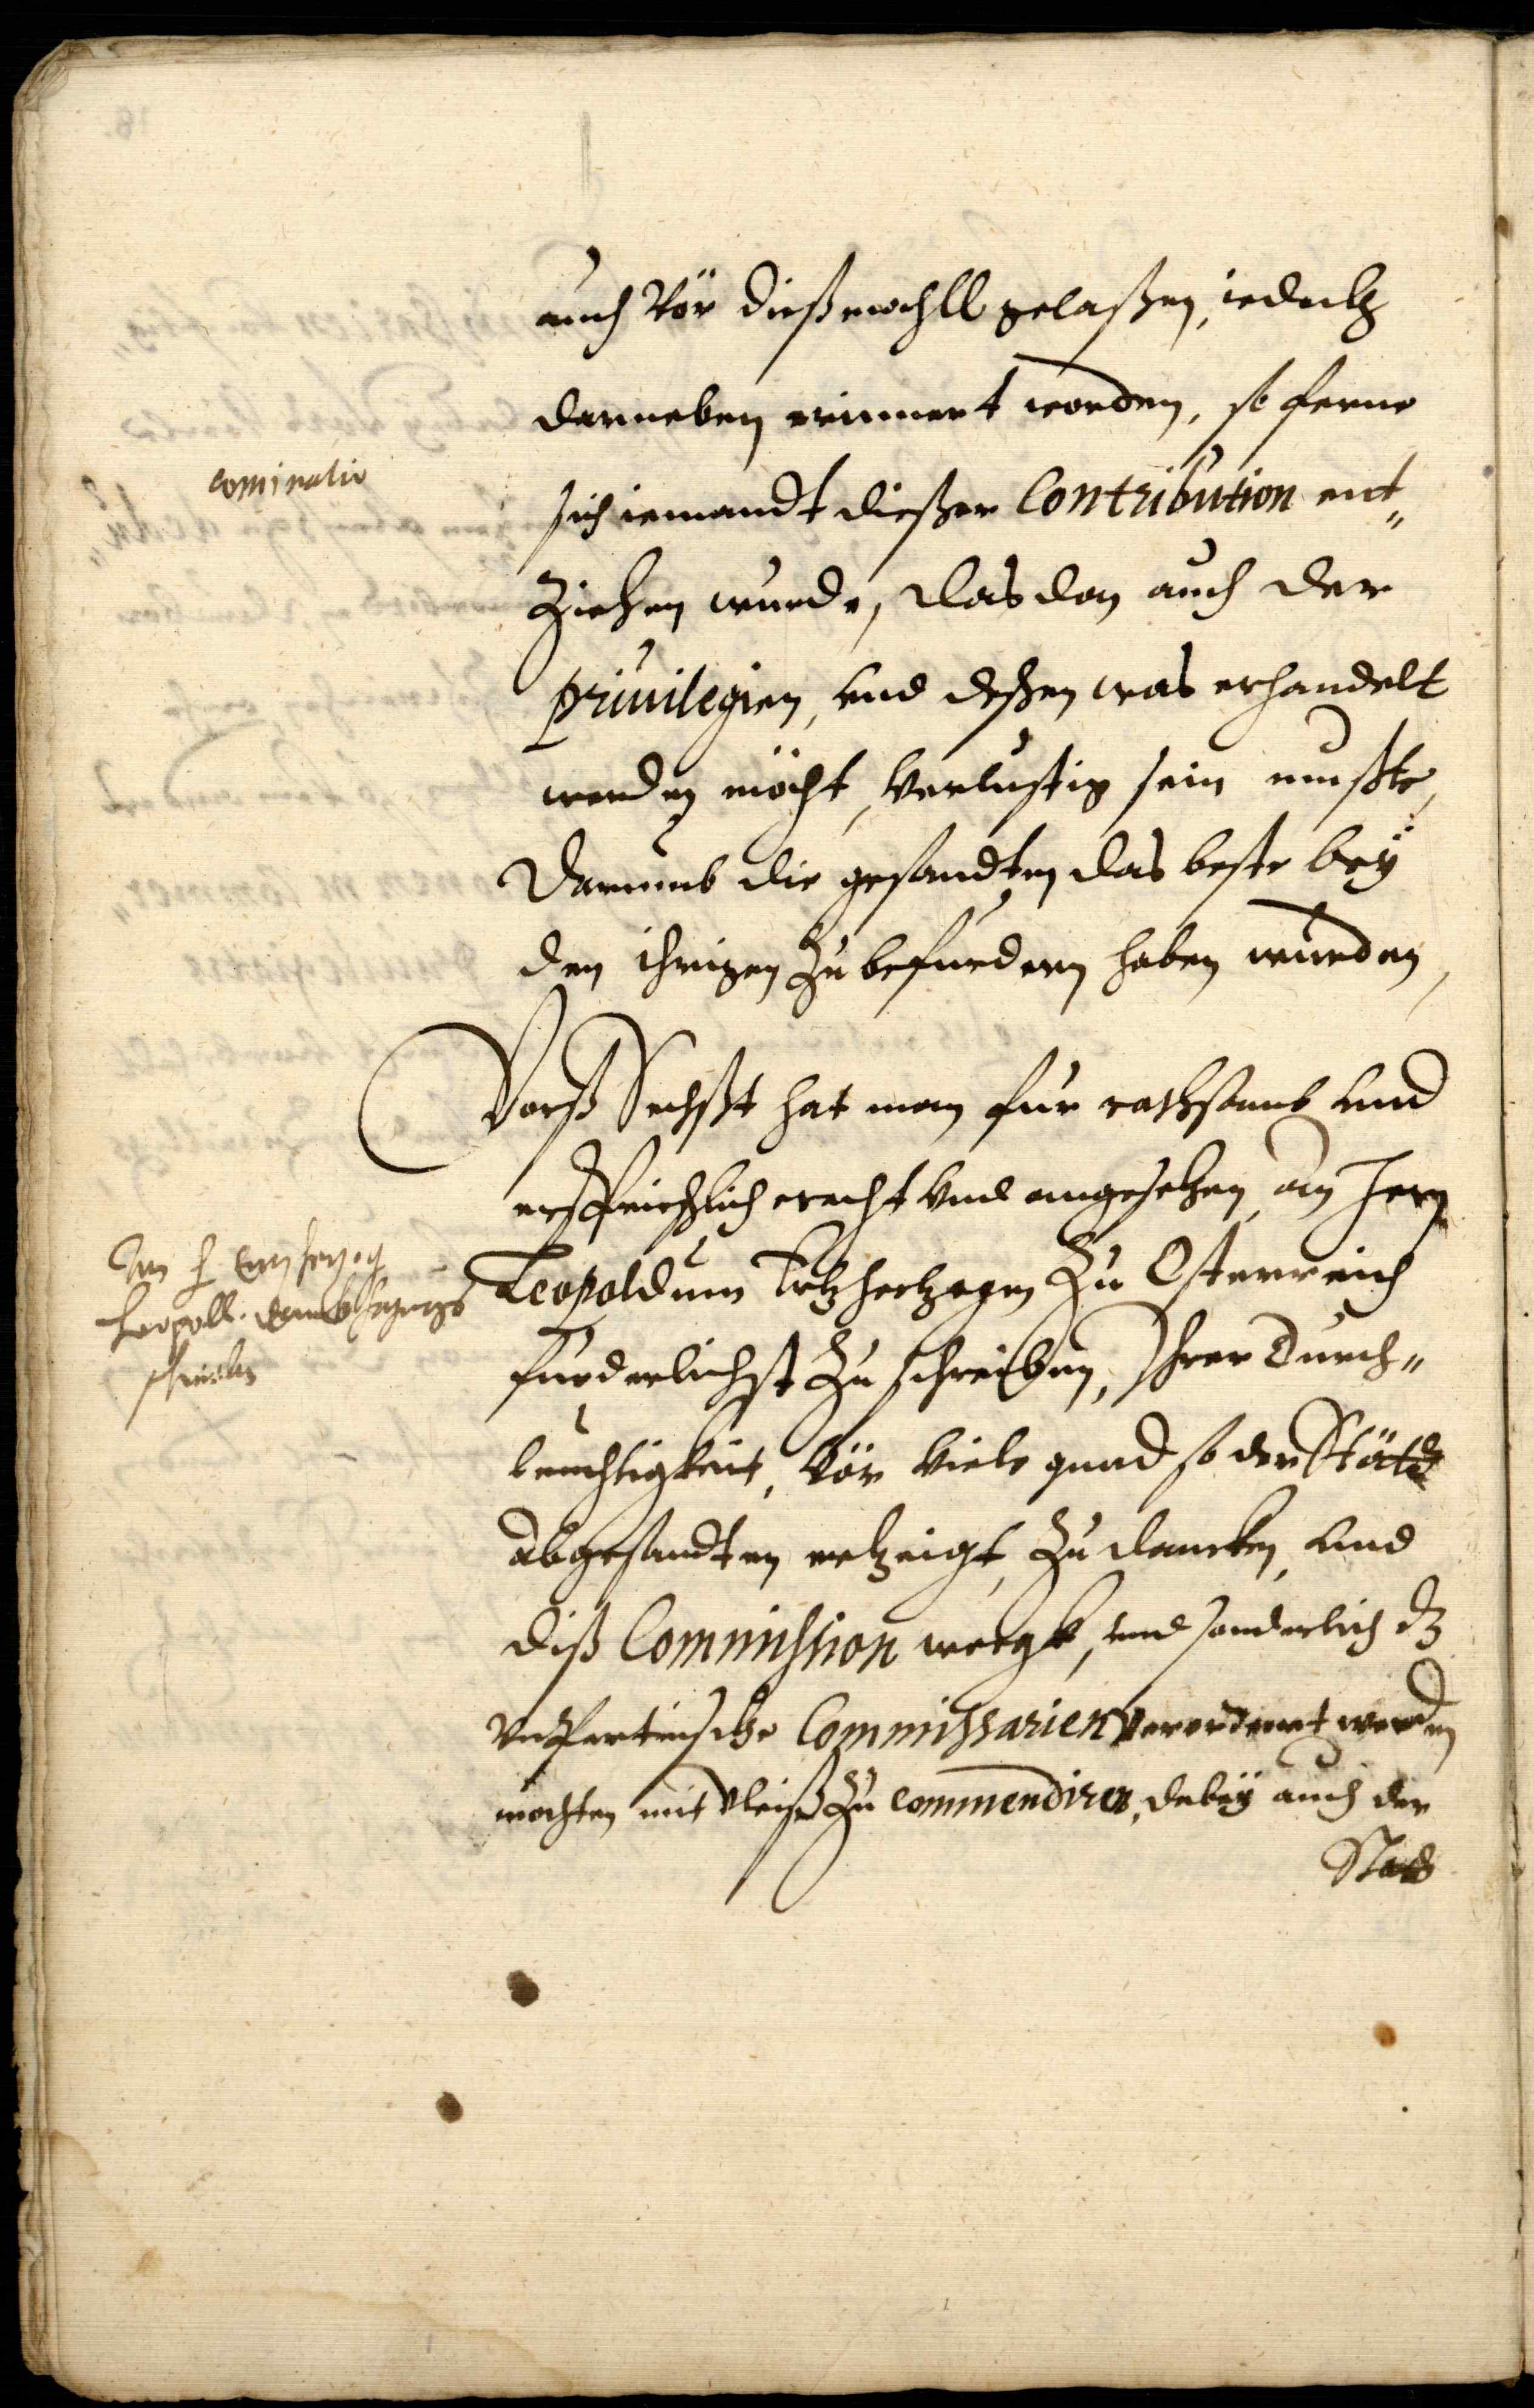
cominatio
auch vör dießmahll gelaßen, iedoch
darneben erinnert worden, so ferne
sich iemandt dießer Contribution ent¬
ziehen wurde, das dan auch der
priuilegien, vnd deßen was erhandelt
werden möcht, verlustig sein mußte,
Darumb die gesandten das beste beij
den ihrigen zu befurdern haben wurden,
An h. Ertzherzog
Leopoll. dancksagungs
schreiben
Vorß Sechßt hat man fur rathsamb vnd
ersprießlich eracht vnd angesehen, An hern
Leopoldum Ertzhertzogen zu Osterreich
furderlichst zu schreiben, Ihrer Durch¬
leuchtigkeit, vör viele gnad so der Stätt
Abgesandten ertzeigt, zu dancken vnd
diß Commission wergk, vnd sonderlich das
vnparteiische Commissarien verordenet werden
mochten mit Vleiß zu commendiren, dabeij auch der
Statt
